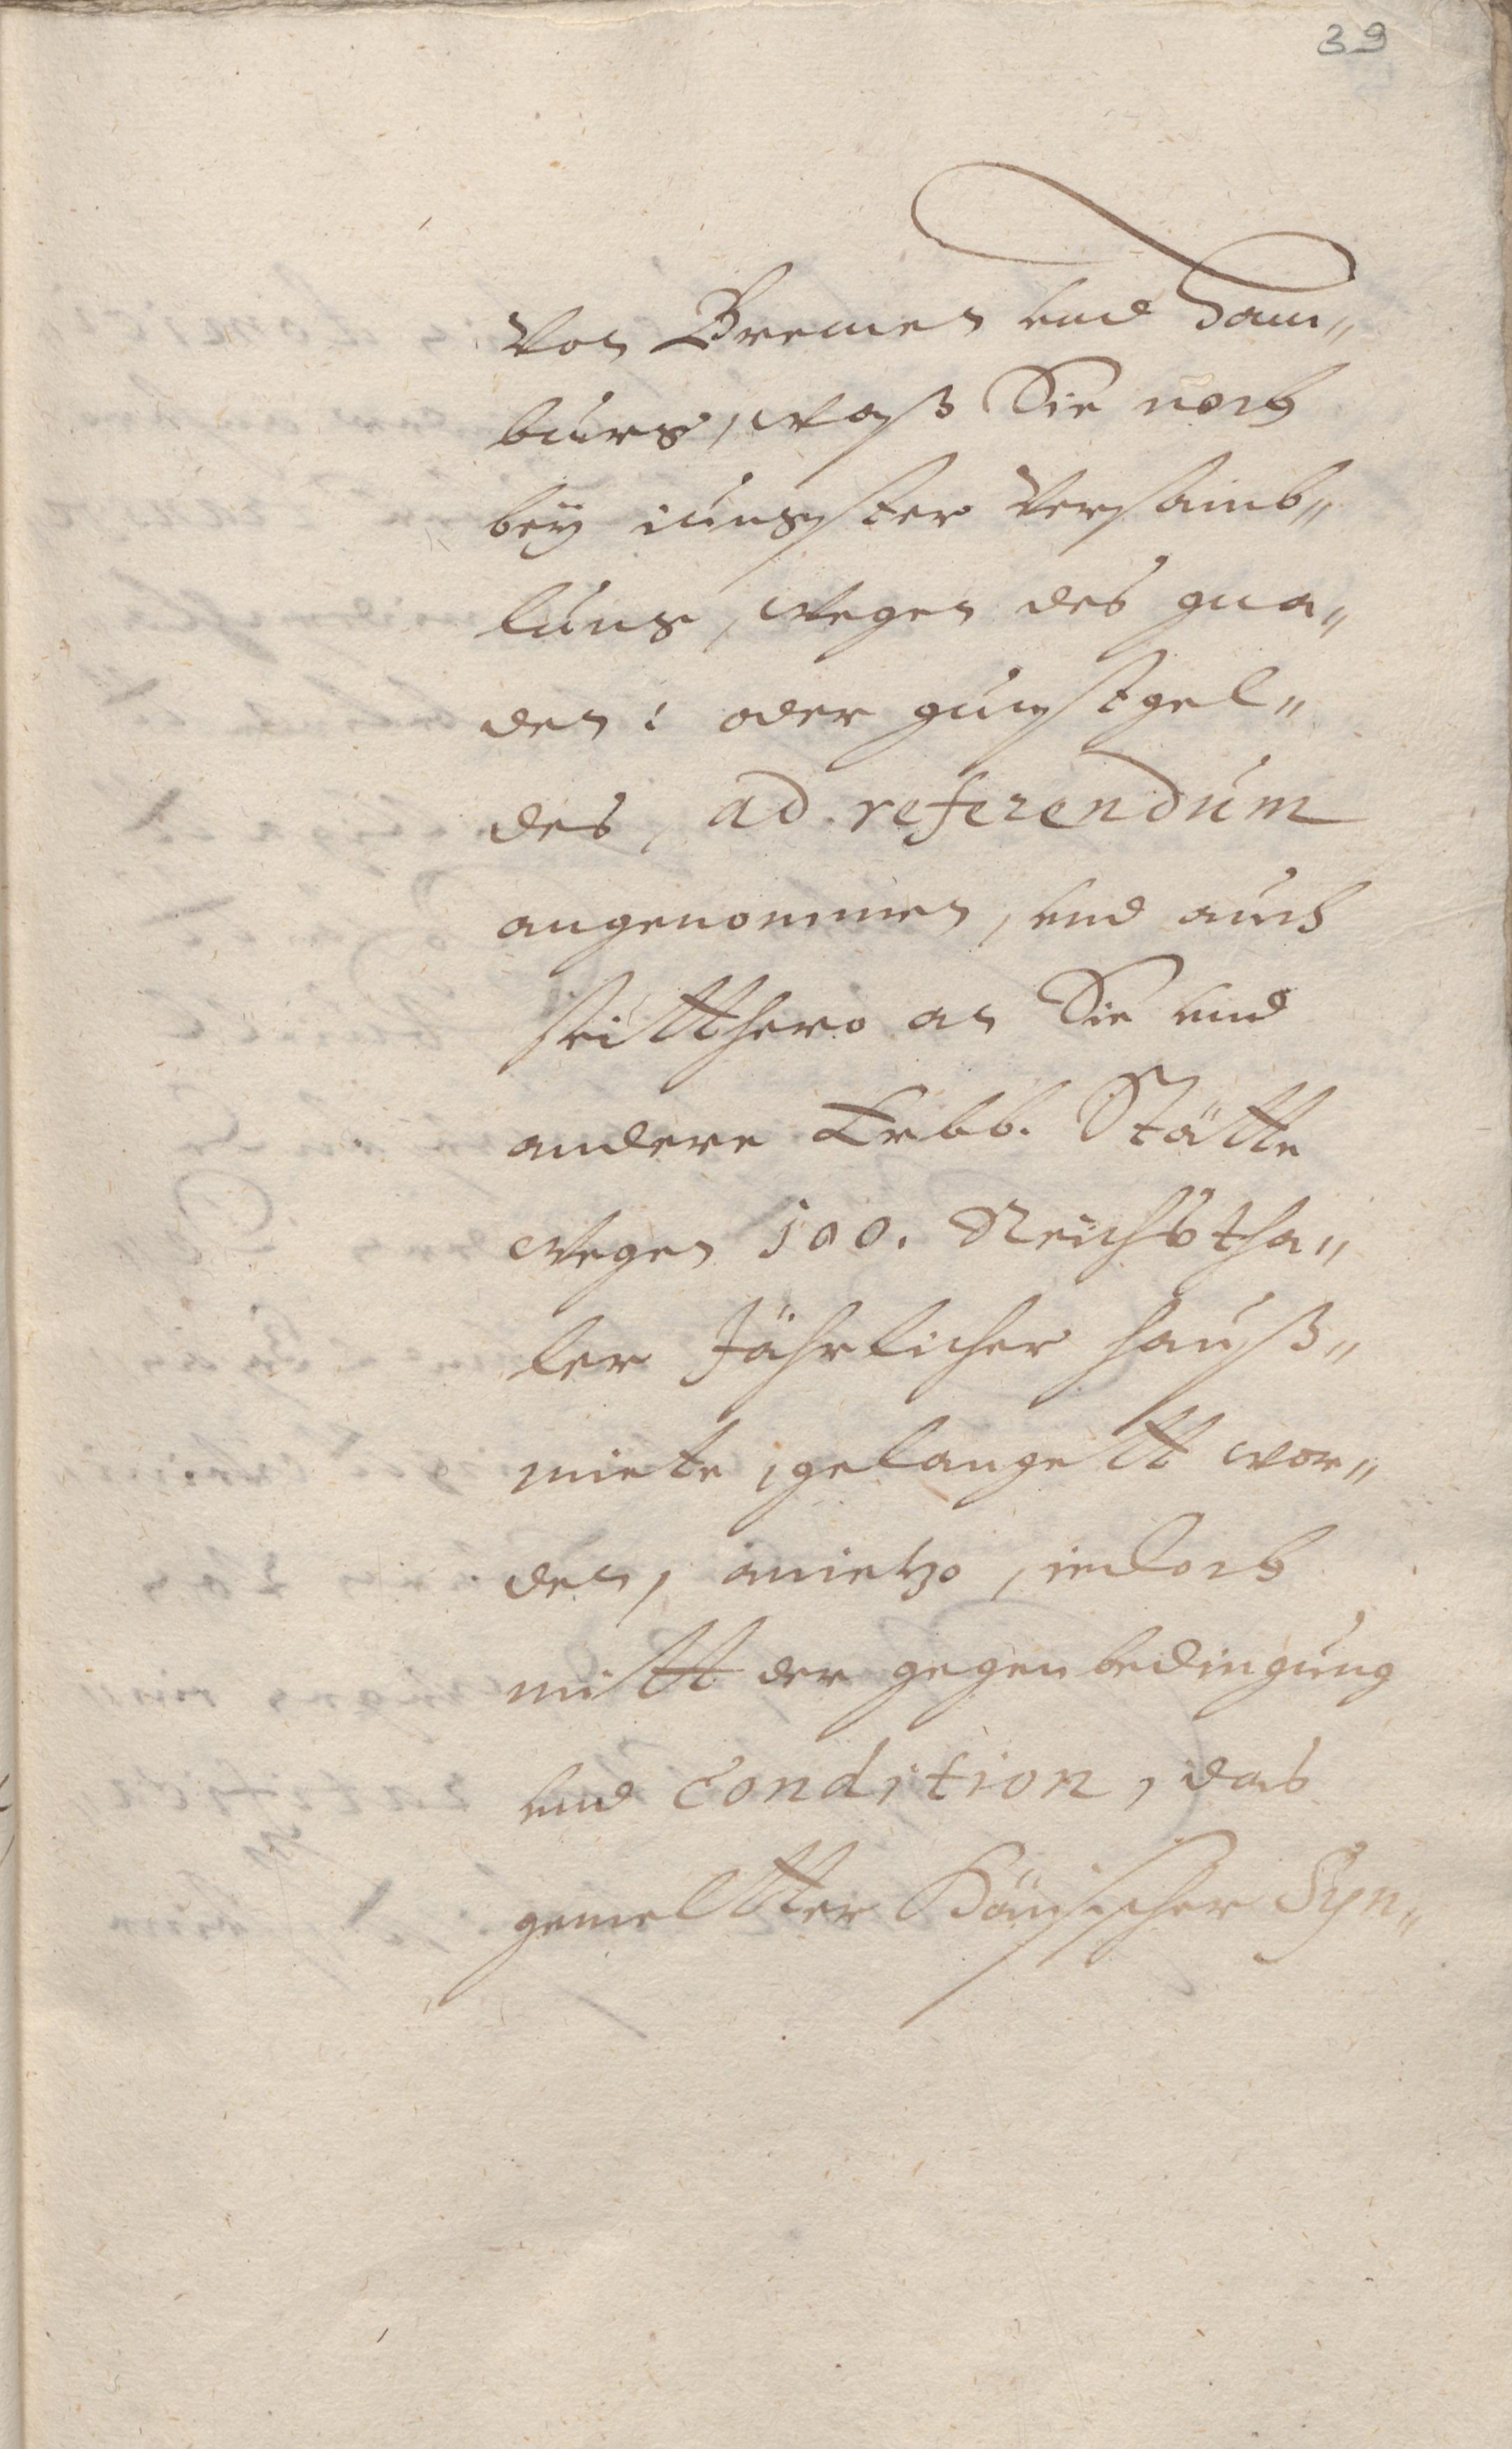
von Bremen vnd Ham¬
burg, waß Sie noch
beij iungster Versamb¬
lung, wegen des gna¬
den: oder gunstgel¬
des, ad referendum
angenommen, vnd auch
seitthero an Sie vnd
andere Erbb. Stätte
wegen 100. Reichstha¬
ler Iährlicher hauß¬
miete, gelangett wor¬
den, anietzo, iedoch
mitt der gegen bedingung
vnd condition, das
gemeltter Hänsischer Syn¬
